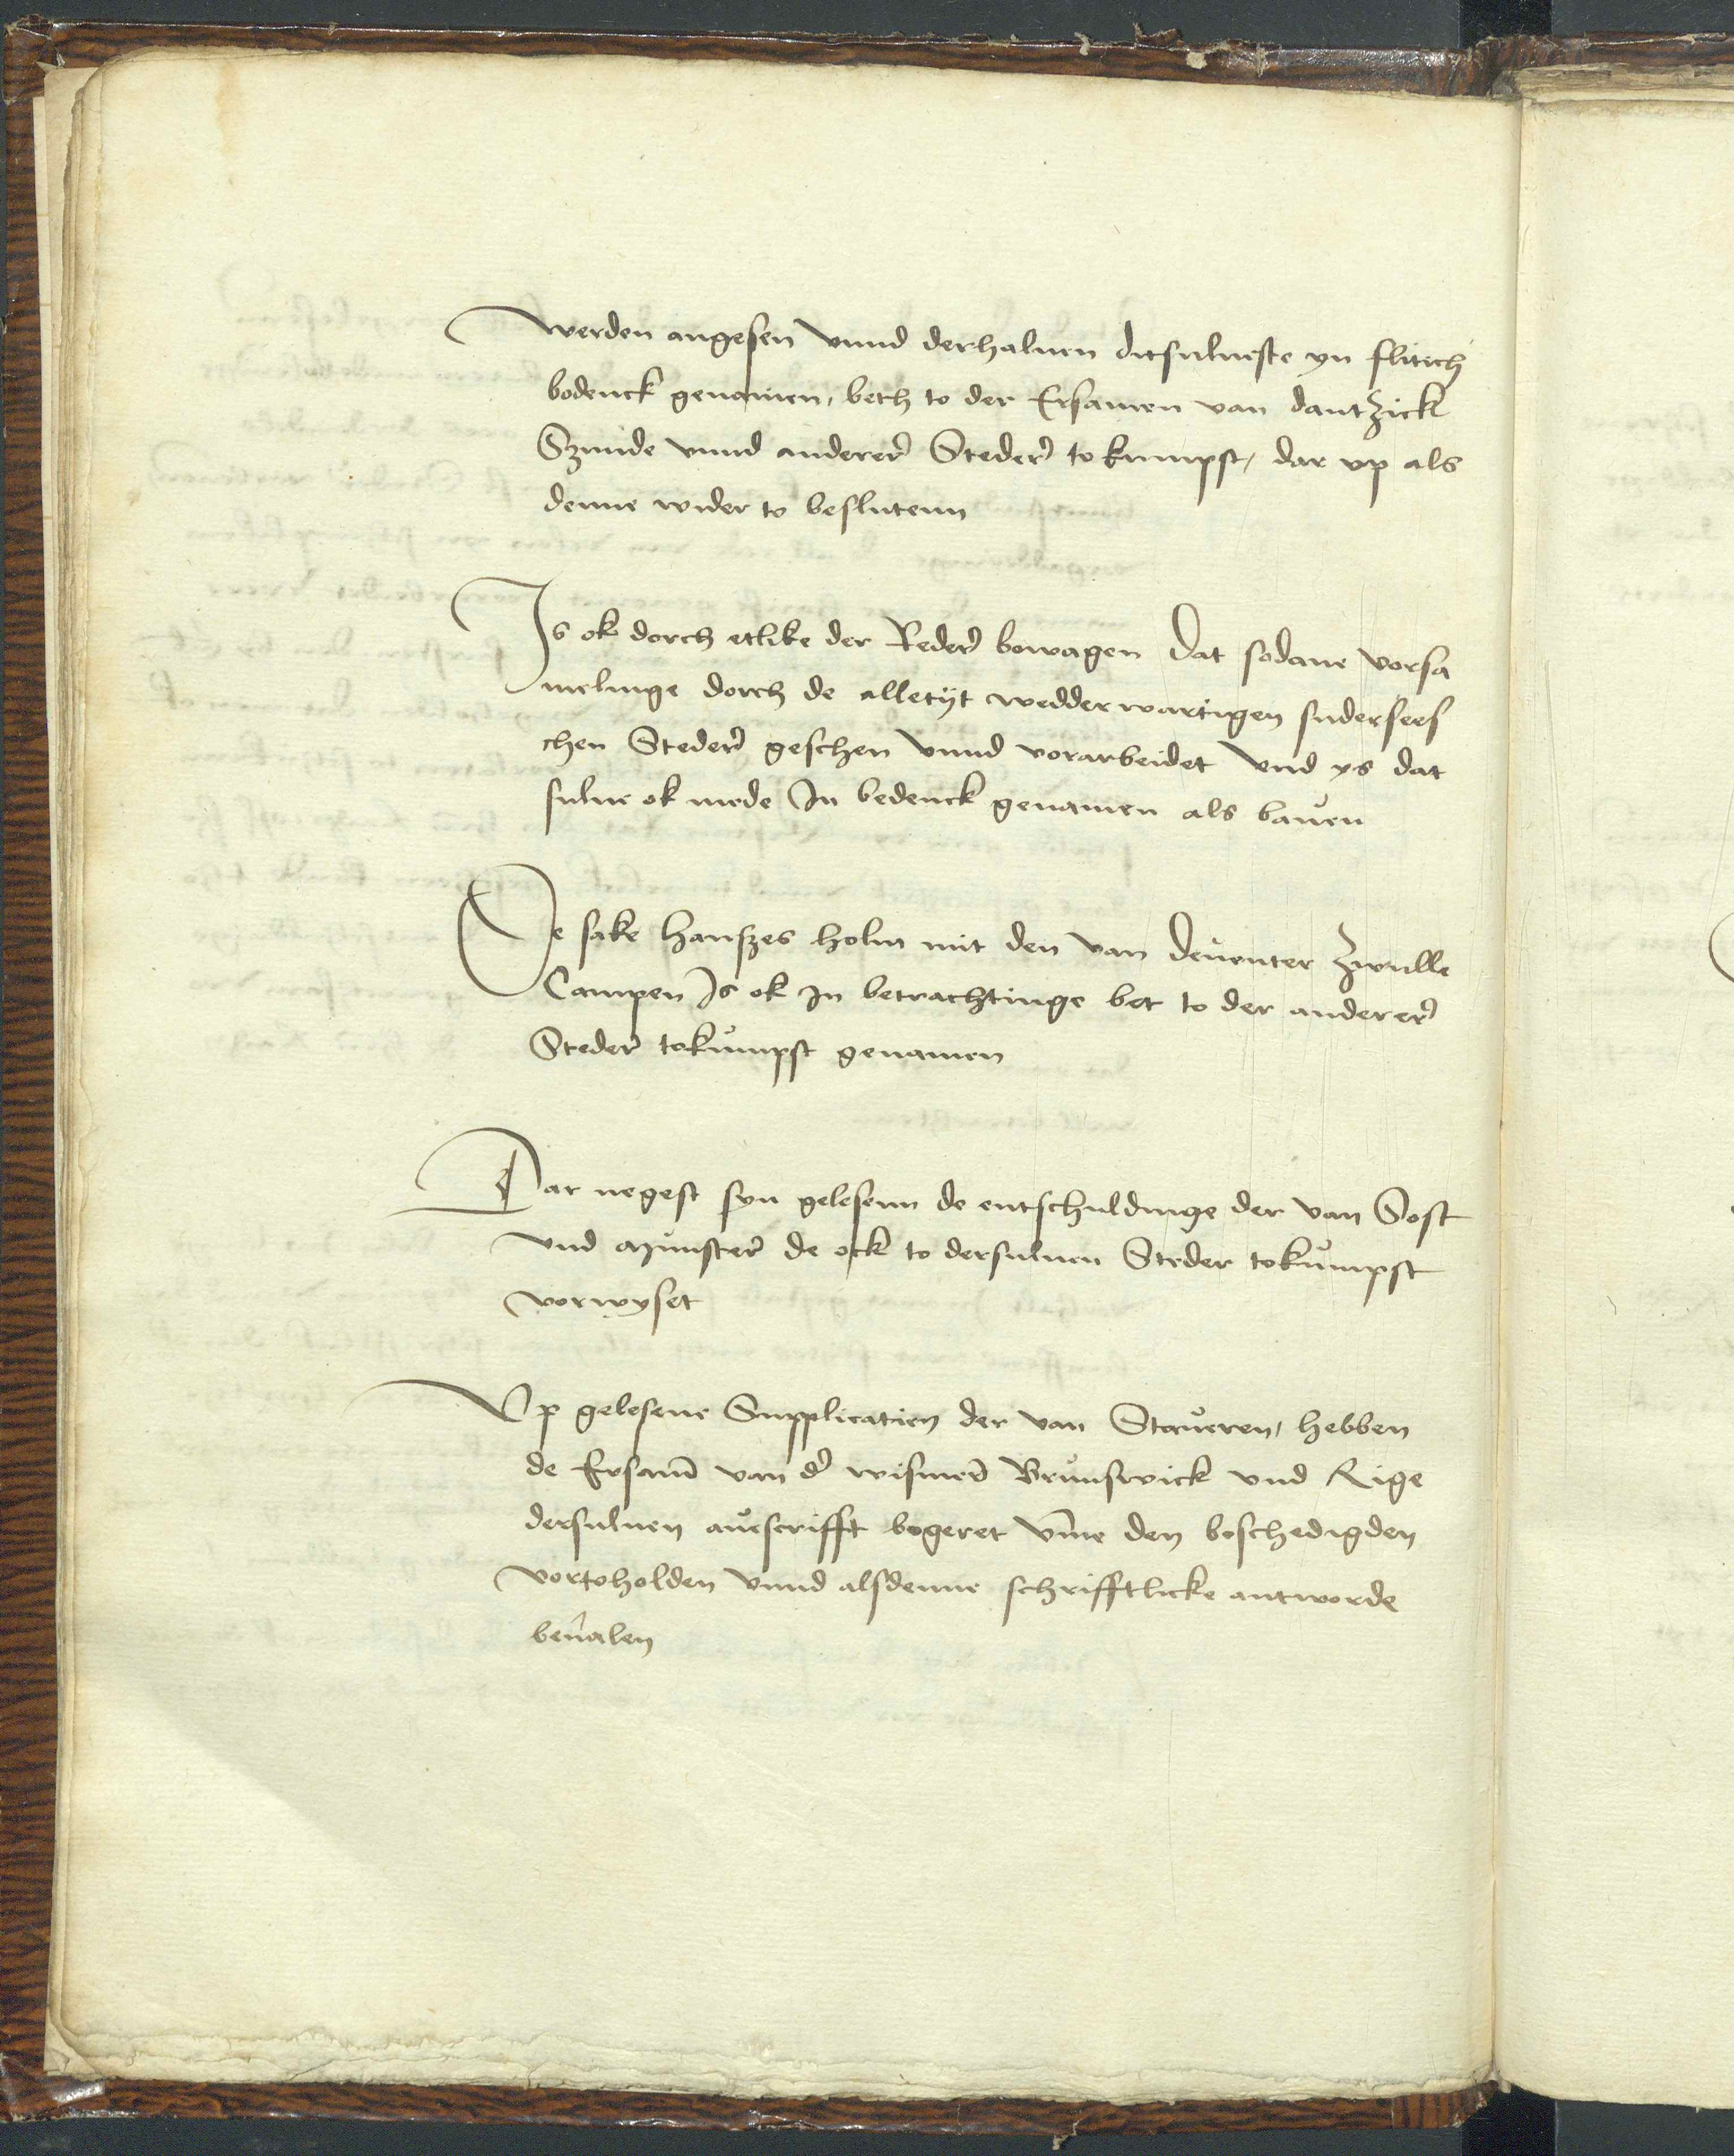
werden angesen vnnd derhaluen ditsulueste yn flitich
bodenck genamen, beth to der Ersamen van dantzick
Szunde vnnd anderer Steder tokumpst, dar vp als
denne wider to beslutenn
Is ok dorch etlike der Reder bowagen dat sodane vorsa¬
melinge dorch de alletijt wedderwartigen sudersees¬
chen Steder geschen vnnd vorarbeidet vnd ys dat¬
sulue ok mede Jn bedenck genamen als bauen.
De sake Hanszes holm mit den van deuenter Zwulle
Campen Js ok jn betrachtinge bet to der anderer
Steder tokumpst genamen
Dar negest syn gelesen de entschuldinge der van Sost
vnd munster de ock to dersuluen Steden tokumpst
vorwyset
Vp gelesene Supplicatien der van Staueren, hebben
de Ersamen van der wismer Brunswick vnd Rige
dersuluen auescrifft bogeret vmme den boschedigden
vortoholden vnnd alsdenne schrifftlicke antworde
beualen
